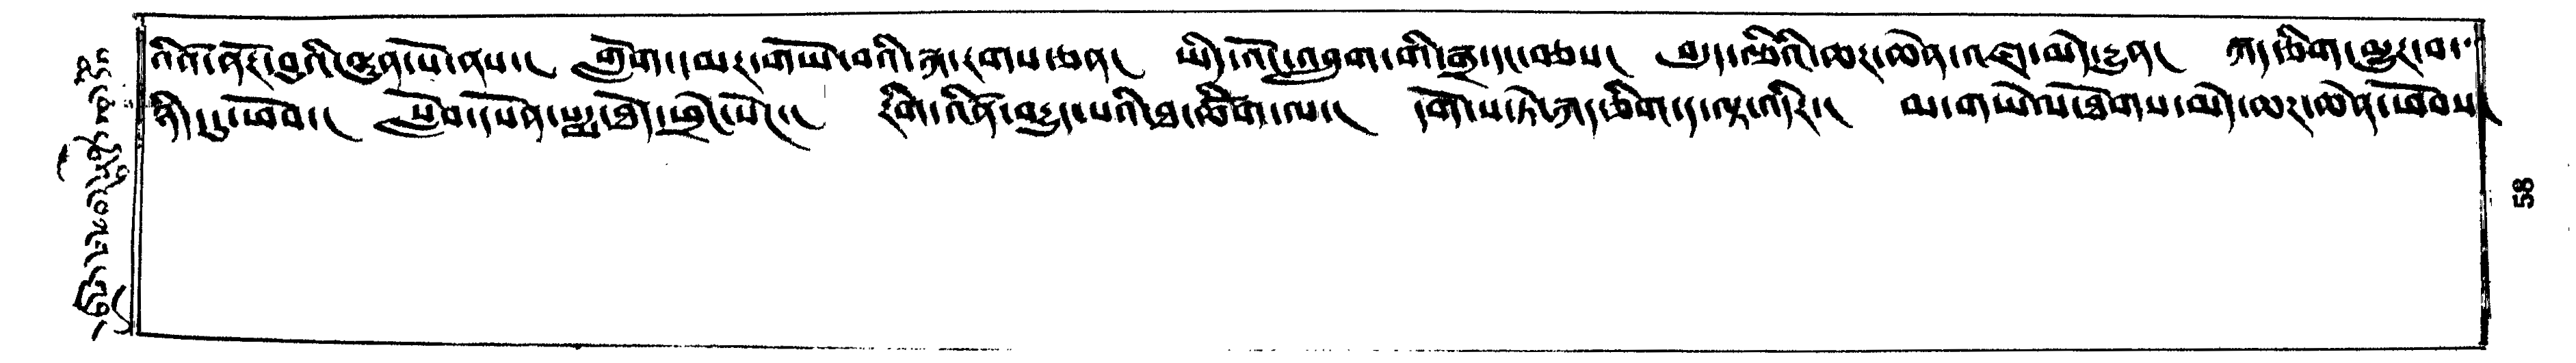འཛིན་ནོར་བུའི་ལྷུན་པོ་ནས།། གློག་དམར་གཡོ་བའི་སྐ་རགས་ཅན། །ཡིད་འོང་འབྲུག་གི་སྒྲ་དང་བཅས། །བདུད་རྩིའི་ཆར་ཆེན་མཛད་མེད་རྒྱུན།། སྐད་ཅིག་མྱུར་བ་
ཉིད་དུ་ཕོབ། །སློབ་དཔོན་པདྨ་ཐོད་ཕྲེང་སོགས། །རིག་འཛིན་བརྒྱུད་པའི་ཐ་ཚིག་ལ། དགོངས་ཏེ་སྐད་ཅིག་ད་ལྟ་འདིར། མ་གཡེལ་ཐོགས་མེད་ཆར་ཆེན་ཕོབ།། དགེའོ།།